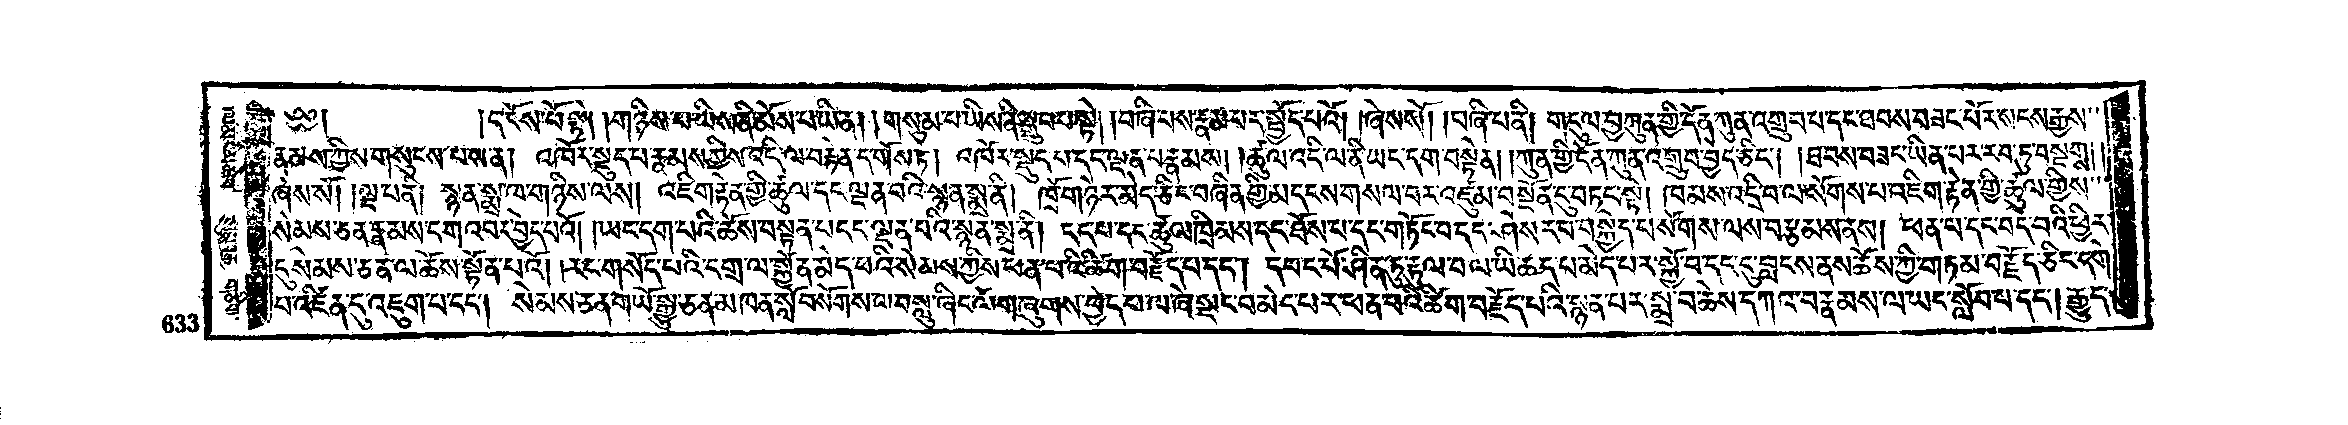༄༅། །དངོས་པོ་སྟེ། །གཉིས་པ་ཡིས་ནི་མོས་པ་ཡིན། །གསུམ་པ་ཡིས་ནི་སྒྲུབ་པ་སྟེ། །བཞི་པས་རྣམ་པར་སྦྱོང་བའོ། །ཞེས་སོ། །བཞི་པ་ནི། གདུལ་བྱ་ཀུན་གྱི་དོན་ཀུན་འགྲུབ་པ་དང་ཐབས་བཟང་པོར་སངས་རྒྱས་
རྣམས་ཀྱིས་གསུངས་པས་ན། འཁོར་སྡུད་པ་རྣམས་ཀྱིས་འདི་ལ་བརྟེན་དགོས་ཏེ། འཁོར་སྡུད་པ་དང་ལྡན་པ་རྣམས། །ཚུལ་འདི་ལ་ནི་ཡང་དག་བསྟེན། །ཀུན་གྱི་དོན་ཀུན་འགྲུབ་བྱེད་ཅིང་། །ཐབས་བཟང་ཡིན་པར་རབ་ཏུ་བསྔགས། །
ཞེས་སོ། །ལྔ་པ་ནི། སྙན་སྨྲ་ལ་གཉིས་ལས། འཇིག་རྟེན་གྱི་ཚུལ་དང་ལྡན་པའི་སྙན་སྨྲ་ནི། ཁྲོ་གཉེར་མེད་ཅིང་བཞིན་གྱི་མདངས་གསལ་བར་འཛུམ་པ་སྔོན་དུ་བཏང་སྟེ། ཁམས་འདྲི་བ་ལ་སོགས་པ་འཇིག་རྟེན་གྱི་ཚུལ་གྱིས་
སེམས་ཅན་རྣམས་དགའ་བར་བྱེད་པའོ། །ཡང་དག་པའི་ཆོས་བསྟན་པ་དང་ལྡན་པའི་སྙན་སྨྲ་ནི། དད་པ་དང་ཚུལ་ཁྲིམས་དང་ཐོས་པ་དང་གཏོང་བ་དང་ཤེས་རབ་བསྐྱེད་པ་སོགས་ལས་བརྩམས་ནས། ཕན་པ་དང་བདེ་བའི་ཕྱིར་
དུ་སེམས་ཅན་ལ་ཆོས་སྟོན་པའོ། །རང་གསོད་པའི་དགྲ་ལ་སྐྱོན་མེད་པའི་སེམས་ཀྱིས་ཕན་པའི་ཚིག་བརྗོད་པ་དང་། དབང་པོ་ཤིན་ཏུ་རྟུལ་བ་ལ་ཡི་ཆད་པ་མེད་པར་སྐྱོ་བ་དང་དུ་བླངས་ནས་ཆོས་ཀྱི་གཏམ་བརྗོད་ཅིང་དགེ་
བ་འཛིན་དུ་འཇུག་པ་དང་། སེམས་ཅན་གཡོ་སྒྱུ་ཅན་མཁན་སློབ་སོགས་ལ་བསླུ་ཞིང་ལོག་ཞུགས་བྱེད་པ་ལ་ཞེ་སྡང་བ་མེད་པར་ཕན་པའི་ཚིག་བརྗོད་པའི་སྙན་པར་སྨྲ་བ་ཆེས་དཀའ་བ་རྣམས་ལ་ཡང་སློབ་པ་དང་། རྒྱུད་